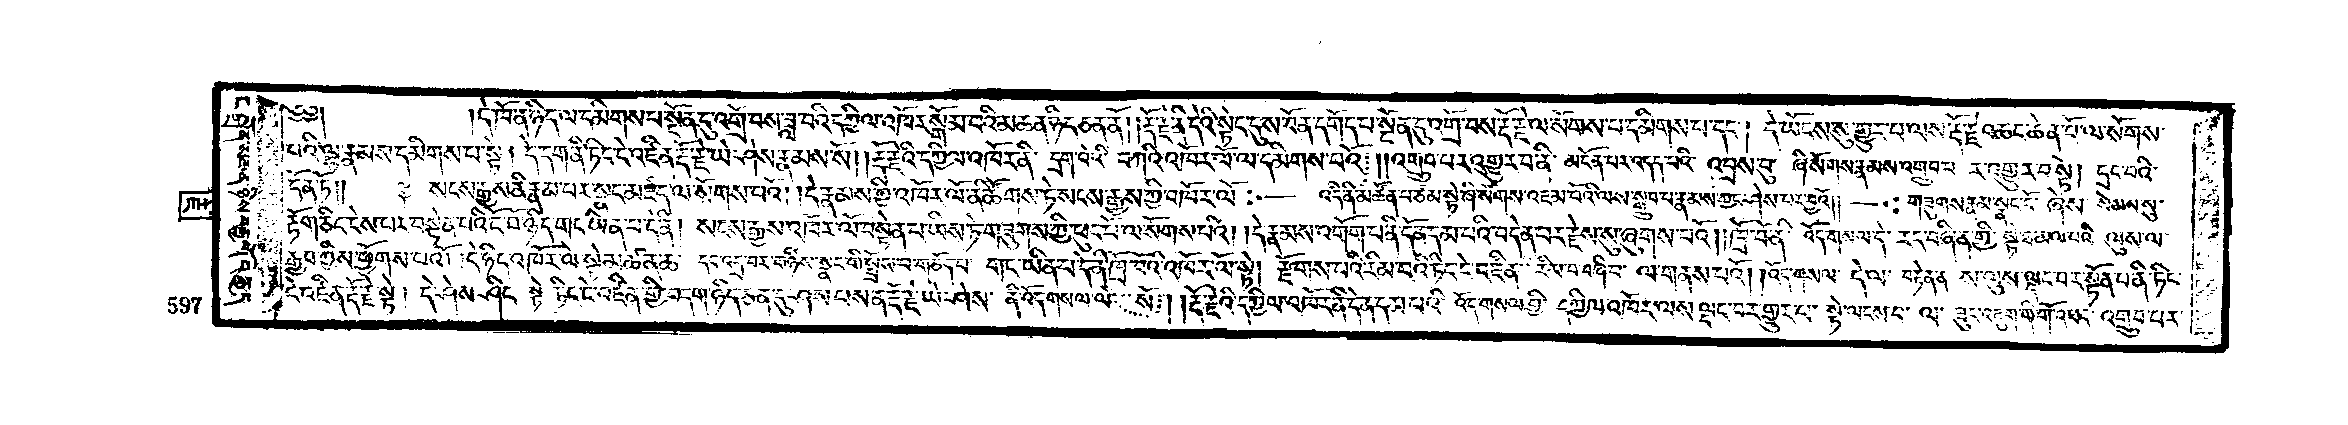༄༅། །དེ་ཁོ་ན་ཉིད་ལ་དམིགས་པ་སྔོན་དུ་འགྲོ་བས་ཟླ་བའི་དཀྱིལ་འཁོར་སྒོམ་པའི་མཚན་ཉིད་ཅན་ནོ། །རྡོ་རྗེ་ནི་དེའི་སྟེང་དུ་ས་བོན་དགོད་པ་སྔོན་དུ་འགྲོ་བས་རྡོ་རྗེ་ལ་སོགས་པ་དམིགས་པ་དང་། དེ་ཡོངས་སུ་གྱུར་པ་ལས་རྡོ་རྗེ་འཆང་ཆེན་པོ་ལ་སོགས་
པའི་ལྷ་རྣམས་དམིགས་པ་སྟེ། དེ་དག་ནི་ཏིང་ངེ་འཛིན་རྡོ་རྗེ་ཡེ་ཤེས་རྣམས་སོ། །རྡོ་རྗེའི་དཀྱིལ་འཁོར་ནི་དྲག་པོའི་བཀའི་འཁོར་ལོ་ལ་དམིགས་པའོ། །འགྲུབ་པར་འགྱུར་བ་ནི་མངོན་པར་འདོད་པའི་འབྲས་བུ་ཞི་སོགས་རྣམས་འགྲུབ་པར་འགྱུར་བ་སྟེ། དྲང་བའི་
དོན་ཏོ།། ༈ སངས་རྒྱས་ནི་རྣམ་པར་སྣང་མཛད་ལ་སོགས་པའོ། །དེ་རྣམས་ཀྱི་འཁོར་ལོ་ནི་ཚེགས་ཏེ་སངས་རྒྱས་ཀྱི་འཁོར་ལོ་H.་འདི་ནི་མཚོན་པ་ཙམ་སྟེ་ཞི་སོགས་འཇམ་པོའི་ལས་སྒྲུབ་པ་རྣམས་ཀྱང་ཤེས་པར་བྱའོ།། .H གཟུགས་རྣམ་སྣང་ངོ་ཞེས་སོགས་སུ
རྟོག་ཅིང་ངེས་པར་བསྟེན་པའི་ངོ་བོ་ཉིད་གང་ཡིན་པ་དེ་ནི། སངས་རྒྱས་འཁོར་ལོ་བསྟེན་པ་ཡིས་ཏེ་གཟུགས་ཀྱི་ཕུང་པོ་ལ་སོགས་པའོ། །དེ་རྣམས་འགོག་པ་ནི་དོན་དམ་པའི་བདེན་པར་རྗེས་སུ་ཞུགས་པའོ། །ཁྲོ་བོ་ནི་འོད་གསལ་དེ་རང་བཞིན་གྱི་སྟེ་ཐ་མལ་བའི་ལུས་ལ་
རྒྱབ་ཀྱིས་ཕྱོགས་པའི། །དེ་ཉིད་འཁོར་ལོ་སྟེ་མཚོན་ཆ་དང་འདྲ་བར་གཉིས་སྣང་གི་སྤྲོས་པ་གཅོད་པ་གང་ཡིན་པ་དེ་ནི་ཁྲོ་བོའི་འཁོར་ལོ་སྟེ། རྫོགས་པའི་རིམ་པའི་ཏིང་ངེ་འཛིན་རིམ་པ་བཞི་པ་ལ་གནས་པའོ། ། འོད་གསལ་དེ་ལ་བརྟེན་ནས་ལུས་ལྡང་བར་སྟོན་པ་ནི་ཏིང་
ངེ་འཛིན་རྡོ་རྗེ་སྟེ། དེ་ཤེས་ཤིང་སྟེ་ཏིང་ངེ་འཛིན་གྱི་བདག་ཉིད་ཅན་དུ་ཤས་པས་ན་རྡོ་རྗེ་ཡེ་ཤེས་ནི་འོད་གསལ་ལོ་སོ། །རྡོ་རྗེའི་དཀྱིལ་འཁོར་ནི་དོན་དམ་པའི་འོད་གསལ་གྱི་དཀྱིལ་འཁོར་ལས་ལྡང་བར་གྱུར་པ་སྟེ་ལངས་བ་ལ་ཟུང་འཇུག་གི་གོ་འཕང་འགྲུབ་པར་